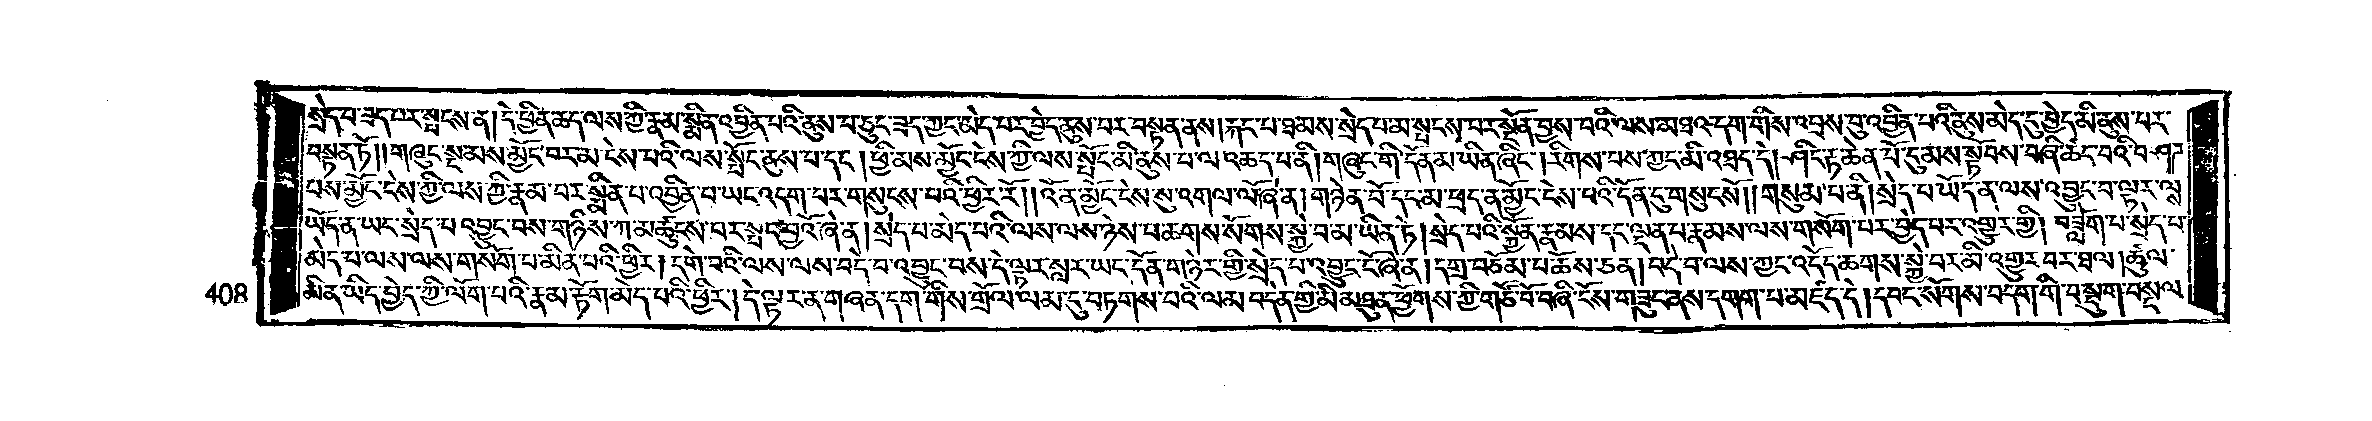སྲེད་པ་ཟད་པར་སྤངས་ན། དེ་ཕྱིན་ཆད་ལས་ཀྱི་རྣམ་སྨིན་འབྱིན་པའི་ནུས་པ་ཅུང་ཟད་ཀྱང་མེད་པར་བྱེད་ནུས་པར་བསྟན་ནས། རྐང་པ་ཐམས་སྲེད་པ་མ་སྤངས་པར་སྔོན་བྱས་པའི་ལས་མཐའ་དག་གིས་འབྲས་བུ་འབྱིན་པའི་ནུས་མེད་དུ་བྱེད་མི་ནུས་པར་
བསྟན་ཏོ། །གཞུང་སྔ་མས་མྱོང་བར་མ་ངེས་པའི་ལས་སྤོང་ནུས་པ་དང་། ཕྱི་མས་མྱོང་ངེས་ཀྱི་ལས་སྤོང་མི་ནུས་པ་ལ་འཆད་པ་ནི། གཞུང་གི་དོན་མ་ཡིན་ཞིང་། རིགས་པས་ཀྱང་མི་འཐད་དེ། ཤིང་རྟ་ཆེན་པོ་དུ་མས་སྟོབས་བཞི་ཚང་བའི་བཤཌ་
པས་མྱོང་ངེས་ཀྱི་ལས་ཀྱི་རྣམ་པར་སྨིན་པ་འབྱིན་པ་ཡང་འདག་པར་གསུངས་པའི་ཕྱིར་རོ། །འོ་ན་མྱོང་ངེས་སུ་འགལ་ལོ་ཞེ་ན། གཉེན་པོ་དང་མ་ཕྲད་ན་མྱོང་ངེས་པའི་དོན་དུ་གསུངས་སོ། །གསུམ་པ་ནི། སྲེད་པ་ཡོད་ན་ལས་འབྱུང་བ་ལྟར་ལས་
ཡོད་ན་ཡང་སྲེད་པ་འབྱུང་བས་གཉིས་ཀ་མཚུངས་པར་སྤང་བྱའོ་ཞེ་ན། སྲེད་པ་མེད་པའི་ལས་ལས་ཉེས་པ་ཆགས་སོགས་སྐྱེ་བ་མ་ཡིན་ཏེ། སྲེད་པའི་སྐྱོན་རྣམས་དང་ལྡན་པ་རྣམས་ལས་གསོག་པར་བྱེད་པར་འགྱུར་གྱི། བཟློག་པ་སྲེད་པ་
མེད་པ་ལས་ལས་གསོག་པ་མིན་པའི་ཕྱིར། དགེ་བའི་ལས་ལས་བདེ་བ་འབྱུང་བས་དེ་ལྟར་སླར་ཡང་དོན་གཉེར་གྱི་སྲེད་པ་འབྱུང་ངོ་ཞེ་ན། དགྲ་བཅོམ་པ་ཆོས་ཅན། བདེ་བ་ལས་ཀྱང་འདོད་ཆགས་སྐྱེ་བར་མི་འགྱུར་བར་ཐལ། ཚུལ་
མིན་ཡིད་བྱེད་ཀྱི་ལོག་པའི་རྣམ་རྟོག་མེད་པའི་ཕྱིར། དེ་ལྟར་ན་གཞན་དག་གིས་གྲོལ་ལམ་དུ་བཏགས་པའི་ལམ་བདེན་གྱི་མི་མཐུན་ཕྱོགས་ཀྱི་གཙོ་བོ་བཞི་ངོས་གཟུང་ནས་དགག་པ་མཛད་དེ། དབང་སོགས་བདག་གི་བ་སྡུག་བསྔལ་